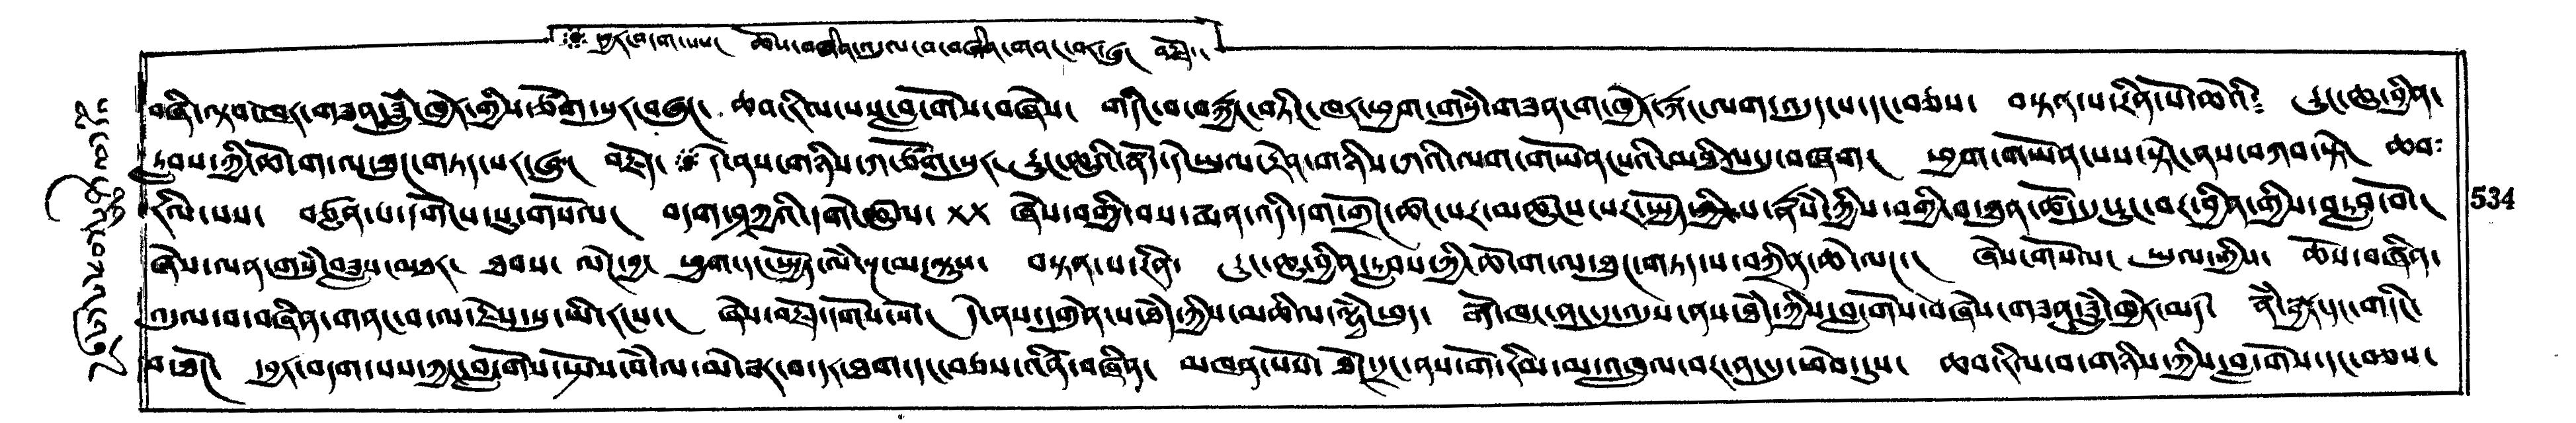བཞི་བལྟབ་ཁར་གཟན་ཟླུམ་ཁྱེར་གྱིས་ཙོག་པུར་བཞུགས། ཆབ་རིལ་པས་བླ་གོས་བཞེས། གདིང་བ་བརྐྱང་བཏིང་ཁར་ཕྱག་གསུམ་གཟན་གལ་ཁྱེར་རྐང་ལག་འདུད་པ་དང་བཅས། བསྟན་པ་རིན་པོ་ཆེའི༴ རུང་ཆུ་བྱིན་
བརླབས་ཀྱི་ཆོ་ག་ལ་ཐུགས་གཏད་པར་ཞུ། བརྗོད། དབྱར་བདག་པས། ཆོས་བཞིན་འདུལ་བ་བཞིན་གནང་བར་ཞུ། བརྗོད། དེ་ནས་གཉིས་ཀ་ཙོག་པུར། རུང་ཆུའི་སྣོད་དེ་ཡུལ་རྟེན་གཉིས་ཀའི་ལག་གཡོན་པའི་མཐིལ་དུ་བཞག ཕྱག་གཡོན་པས་སྟེང་ནས་བཀབ་སྟེ། ཆབ་
རིལ་པས། བཙུན་པ་དགོངས་སུ་གསོལ། བདག་ཤཱཀྱའི་དགེ་ཚུལ༴ ཞེས་བགྱི་བས་སྨན་འདི་དག་གྲོགས་ཚངས་པ་མཚུངས་པར་སྤྱོད་པ་རྣམས་ཀྱིས་བགྱི་བ་ཐུན་ཚོད་དུ་རུང་བར་བྱིན་གྱིས་བརླབ་བོ། 
ཞེས་ལན་གསུམ་བཟླས་མཐར། ཐབས་ལེགས་བྱ། ཕྱག་དང་སྤྱོད་ལམ་སྔ་མ་ལྟ་བུས། བསྟན་པ་རིན༴ རུང་ཆུ་བྱིན་བརླབས་ཀྱི་ཆོ་ག་ལ་ཐུགས་གཏད་པ་བཀའ་དྲིན་ཆེ་ལགས། ཞེས་གསོལ། ཡུལ་གྱིས། ཆོས་བཞིན་
འདུལ་བ་བཞིན་གནང་བ་ལ་རྗེས་སུ་ཡི་རངས། ཞེས་བརྗོད་དགོས་སོ། དེ་ནས་དགེ་འདུན་པ་ཐམས་ཅད་ཀྱིས་མཆིལ་ལྷམ་ཕུད། སྒོ་ཁང་ནང་དུ་འདུས་ནས་ཐམས་ཅད་ཀྱིས་བླ་གོས་བཞེས། གཟན་ཟླུམ་ཁྱེར་མཛད། སྣམ་སྦྱར་དང་གདིང་
བ་ཐོགས། དབྱར་བདག་པས་ཀྱང་བླ་གོས་སྤོས་བམ་ལ་མེ་སྦར་བ་དར་ཐག་དང་བཅས་འཛིན་བཞིན། མཁན་པོས། ཐོག་དྲང་ནས་གོ་རིམ་མ་འཁྲུགས་བར་ནང་དུ་ཕེབས་དུས། ཆབ་རིལ་བ་གཉིས་ཀྱིས་བླ་གོས་དང་བཅས་